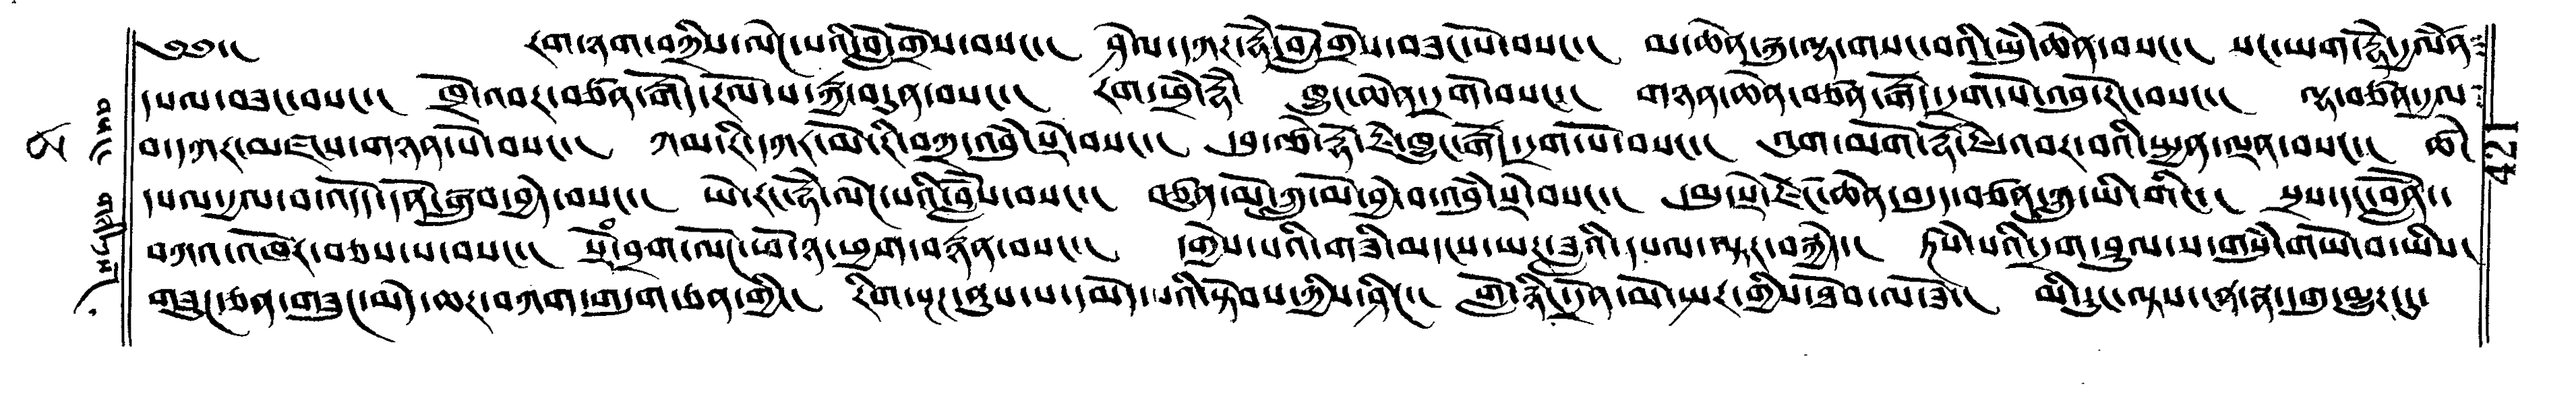།རག་ཉག་བཀྲ་ཤིས་ལེགས་པའི་བློ་གྲོས་བསང་། །ཤེལ་དཀར་རྡོ་རྗེ་བློ་གྲོས་བཟང་པོ་བསང་། །མ་ཆེན་སྐུ་ལྷ་གསང་བའི་ཡུམ་ཆེན་བསང་། །སང་ཡག་རྡོ་རྗེ་རྒྱལ་མཚན་
དཔལ་བཟང་བསང་། ཁྲོ་འབར་བཙན་རྒོད་རོལ་པ་སྐྱ་བདུན་བསང་། །རག་ཕྲམ་རྡོ་རྗེ་ཁྱུང་ཆེན་དྲག་པོ་བསང་། །གཉན་ཆེན་བཙན་རྒོད་དྲག་པོ་འབུ་རོང་བསང་། །ལྷ་བཙན་རྒྱལ་
བ་དཀར་མཛངས་གཉན་པོ་བསང་། །ཀམ་རི་དཀར་མོ་རི་བཀྲ་འབུམ་སྡེ་བསང་། །དབུ་རྩེ་རྡོ་རྗེ་ཁྱུང་རྒོད་དྲག་པོ་བསང་། །འུག་མགོ་རྡོ་རྗེ་འབར་བའི་སྤྱན་ལྡན་བསང་། །ཚེ་
དཔལ་རྒྱལ་བ་འདོད་དོན་སྒྲུབ་བྱེད་བསང་། །ཡེ་རང་རྡོ་རྗེ་ལེགས་པའི་བློ་གྲོས་བསང་། །བཙུན་མོ་ཀླུ་མོ་བྱེ་བ་འབུམ་སྡེ་བསང་། །དམུ་སྡེ་རྫོང་ཆེན་བདུད་བཙན་ཀླུ་ཡི་གིང་། །སྲས་དང་བློན་པོ་
བཀའ་འཁོར་བཅས་པ་བསང་། །སྡོམ་བྲག་ལ་སོགས་ཕོ་ཉ་ཕྱག་བརྙན་བསང་། །དགྱེས་པའི་གཟི་མདངས་ཡར་ཟླའི་དཔལ་ལྟར་བསྐྱེད། །རྔམས་པའི་དྲག་ཤུལ་ས་གསུམ་གཡོ་བ་ཡིས། །
གཟུགས་ཅན་གཟུགས་མེད་ཆར་བཀག་གདུག་ཅན་གྱི་། །རིག་སྔགས་ནུས་པ་དམོད་པའི་སྟོབས་ཀྱིས་ཤིགས། །གློ་སྙིང་དྲོན་མོ་སྦར་གྱིས་ཐོབ་ལ་ཟོ། ། མ་རུང་ལྟས་ངན་སྣ་དགུ་མྱུར་དུ་